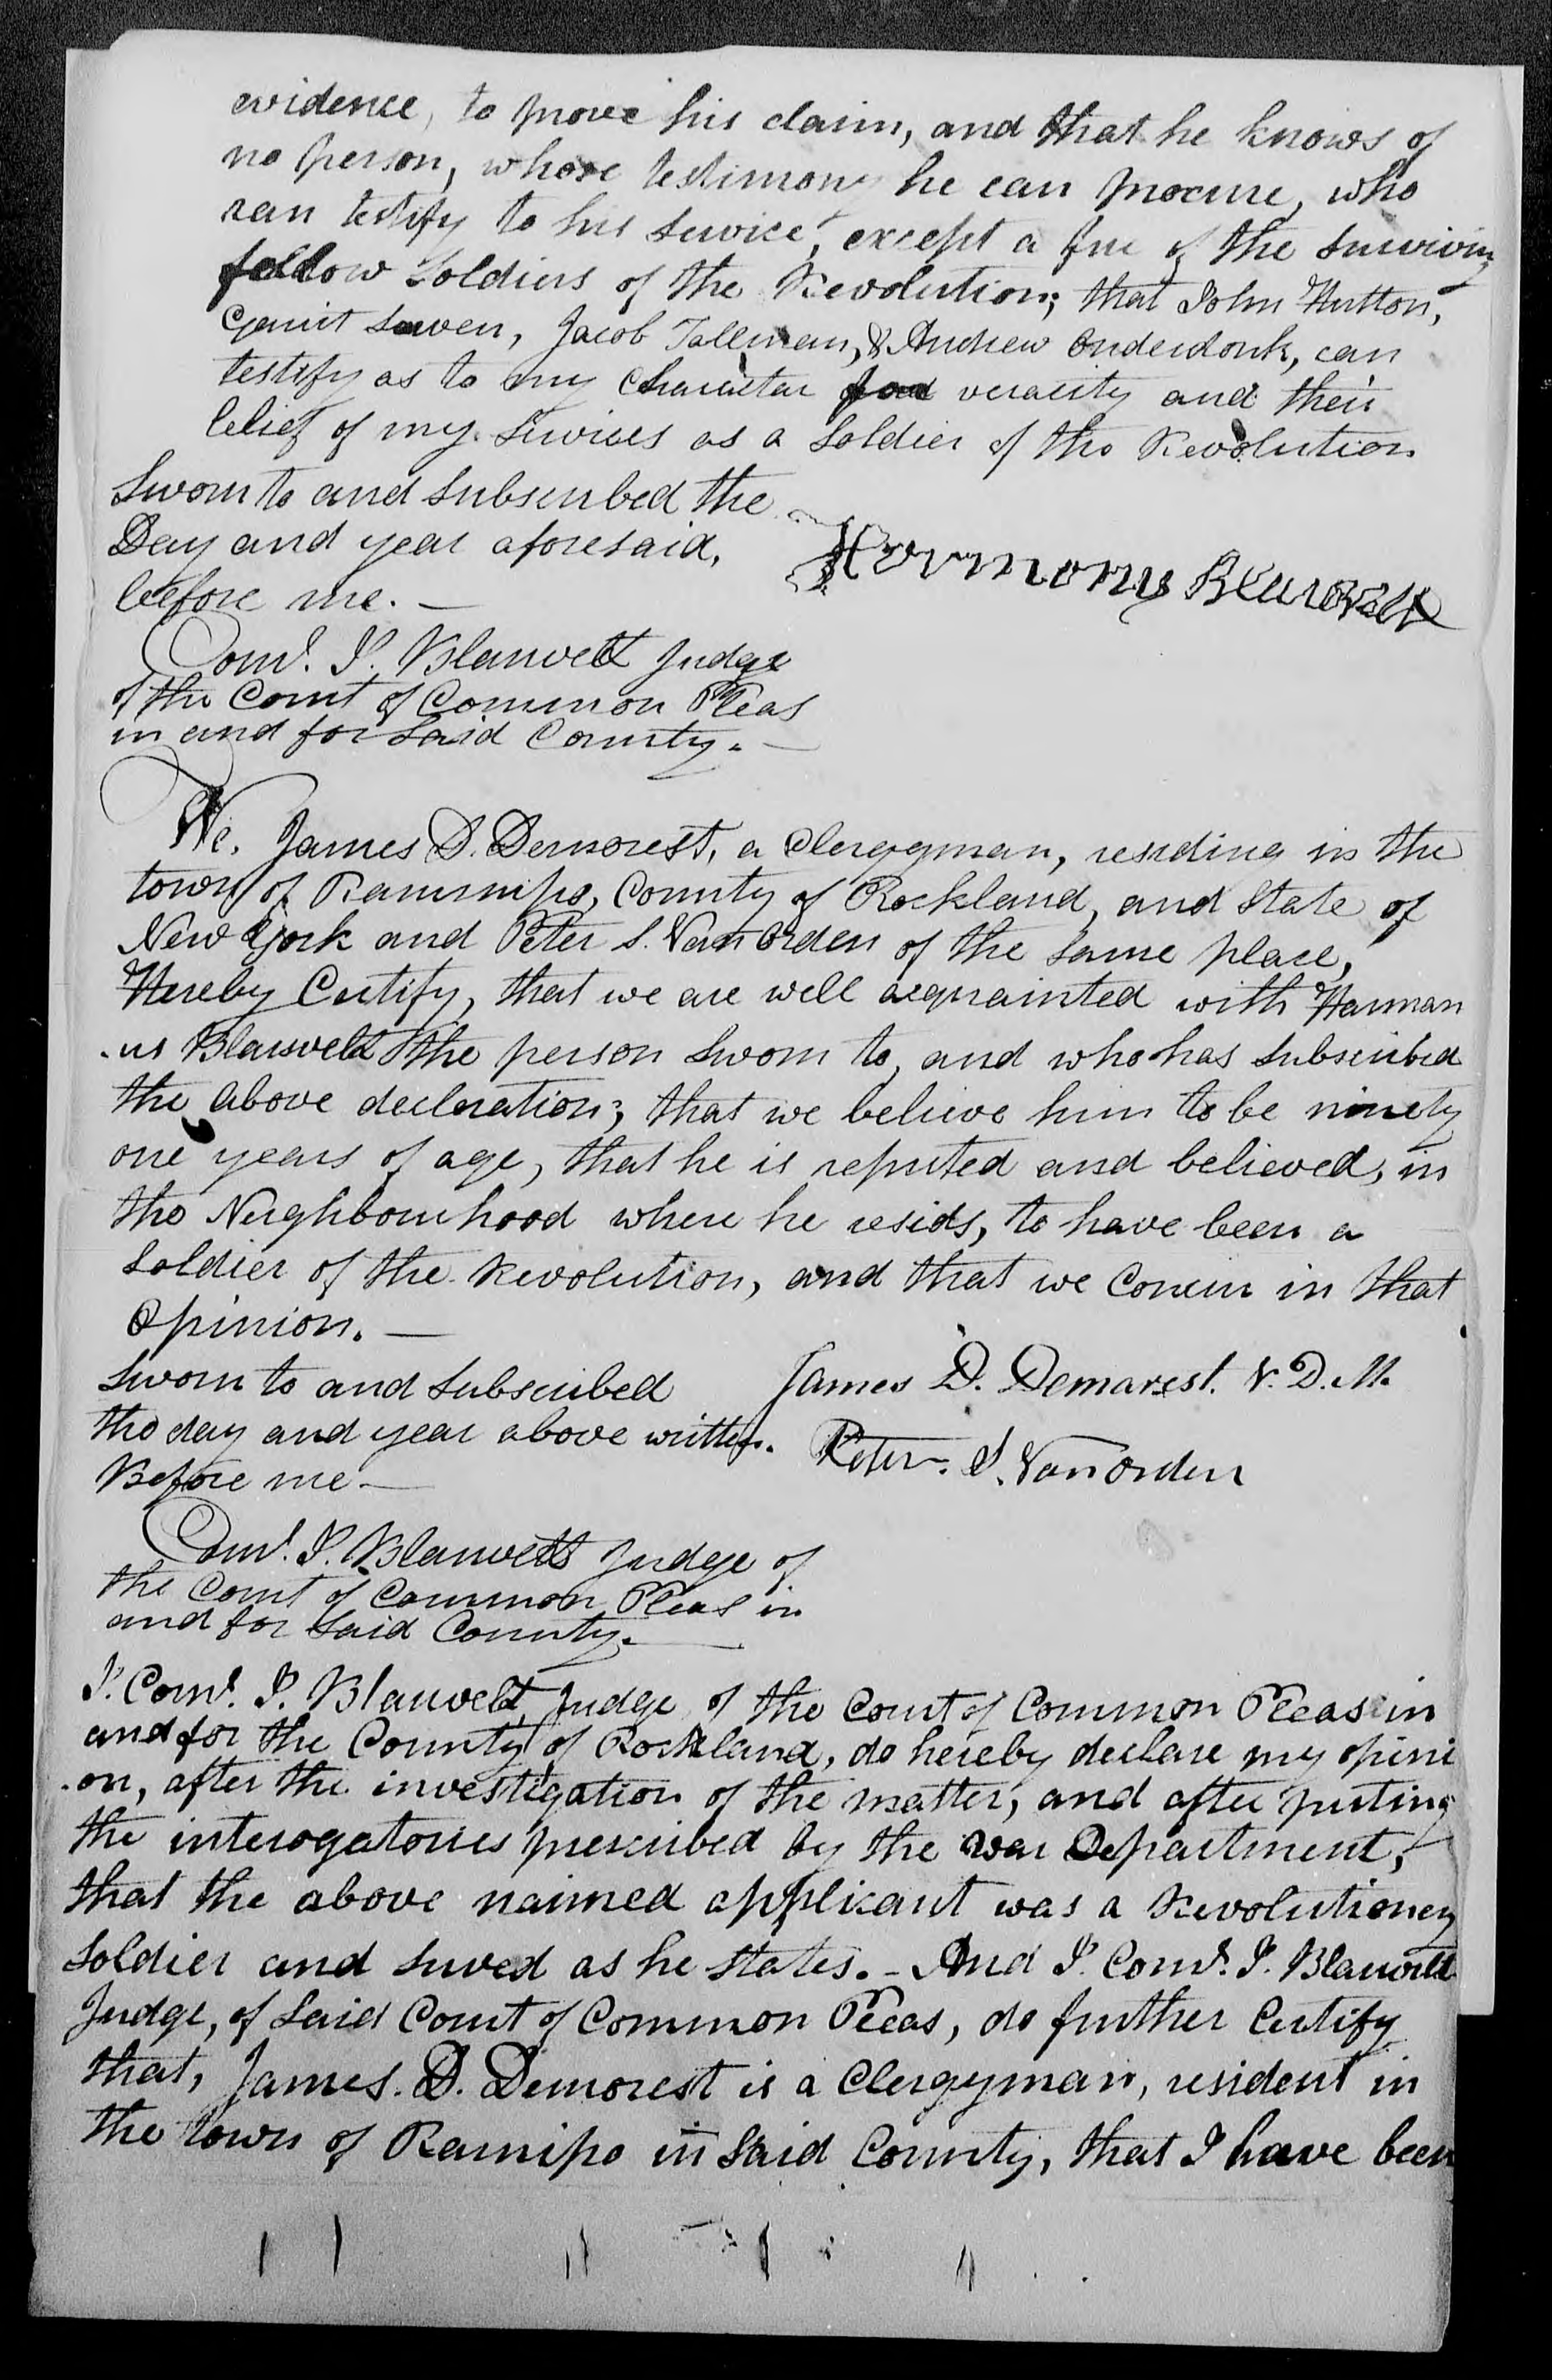evidence, to prove his claim, and that he knows of no person, whose testimony he can procure, who can testify to his service, except a few of the surviving fellow soldiers of the Revolution; that John Hutton, Garrit Suven, Jacob Tallerman, & Andrew Onderdonk, can testify as to my character for veracity and their belief of my services as a soldier of the Revolution.
[signed] Harmonus Blauvelt
Sworn to and subscribed the Day and year aforesaid, before me.
[signed] Cornl I. Blauvelt Judge of the Court of Common Pleas in and for said County.

We, James D. Demarest, a clergyman, residence in the town of Rammipo [Ramapo], County of Rockland, and State of New York and Peter S. Van Orden of the same place, Hereby Certify, that we are well acquainted with Harmanus Blauveld the person sworn to, and who has subscribed the above declaration; that we believe him to be ninety one years of age, that he is reputed and believed, in the Neighbourhood where he resides, to have been a soldier of the Revolution, and that we concur in that opinion. 
[signed] James D. Demarest  V. Dello
Peter S. Van Orden

Sworn to and subscribed the day and year above written.
Before me Cornl. I. Blauvelt Judge of the Court of Common Pleas in and for said County.

I, Cornl. I. Blauvelt, Judge of the Court of Common Pleas in and for the County of Rockland, do hereby declare my opinion, after the investigation of the matter, and after meeting the interogatories prescribed by the War Department, that the above named applicant was a Revolutionary Soldier and served as he states. And I Cornl. I Blauvelt Judge, of said Court of Common Pleas, do further Certify that, James D. Demorest is a Clergyman, resident in the town of Ramipo in Said County, that I have been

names: Peter S Van Orden, Corns I Blauvelt, Jacob Tallman, James D Demorest, James D Demarest, Corns I Blauvelt, James D Demorest, Andrew Onderdonk, Harmanus Blauvelt, Peter S Van Orden, Garrit Laven, Corns I Blauvelt, Corns I Blauvelt, Harmanus Blauvelt, John Hutton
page: 6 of 33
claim: survivor's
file: S. 22,653, Harmanus Blauvelt, New York